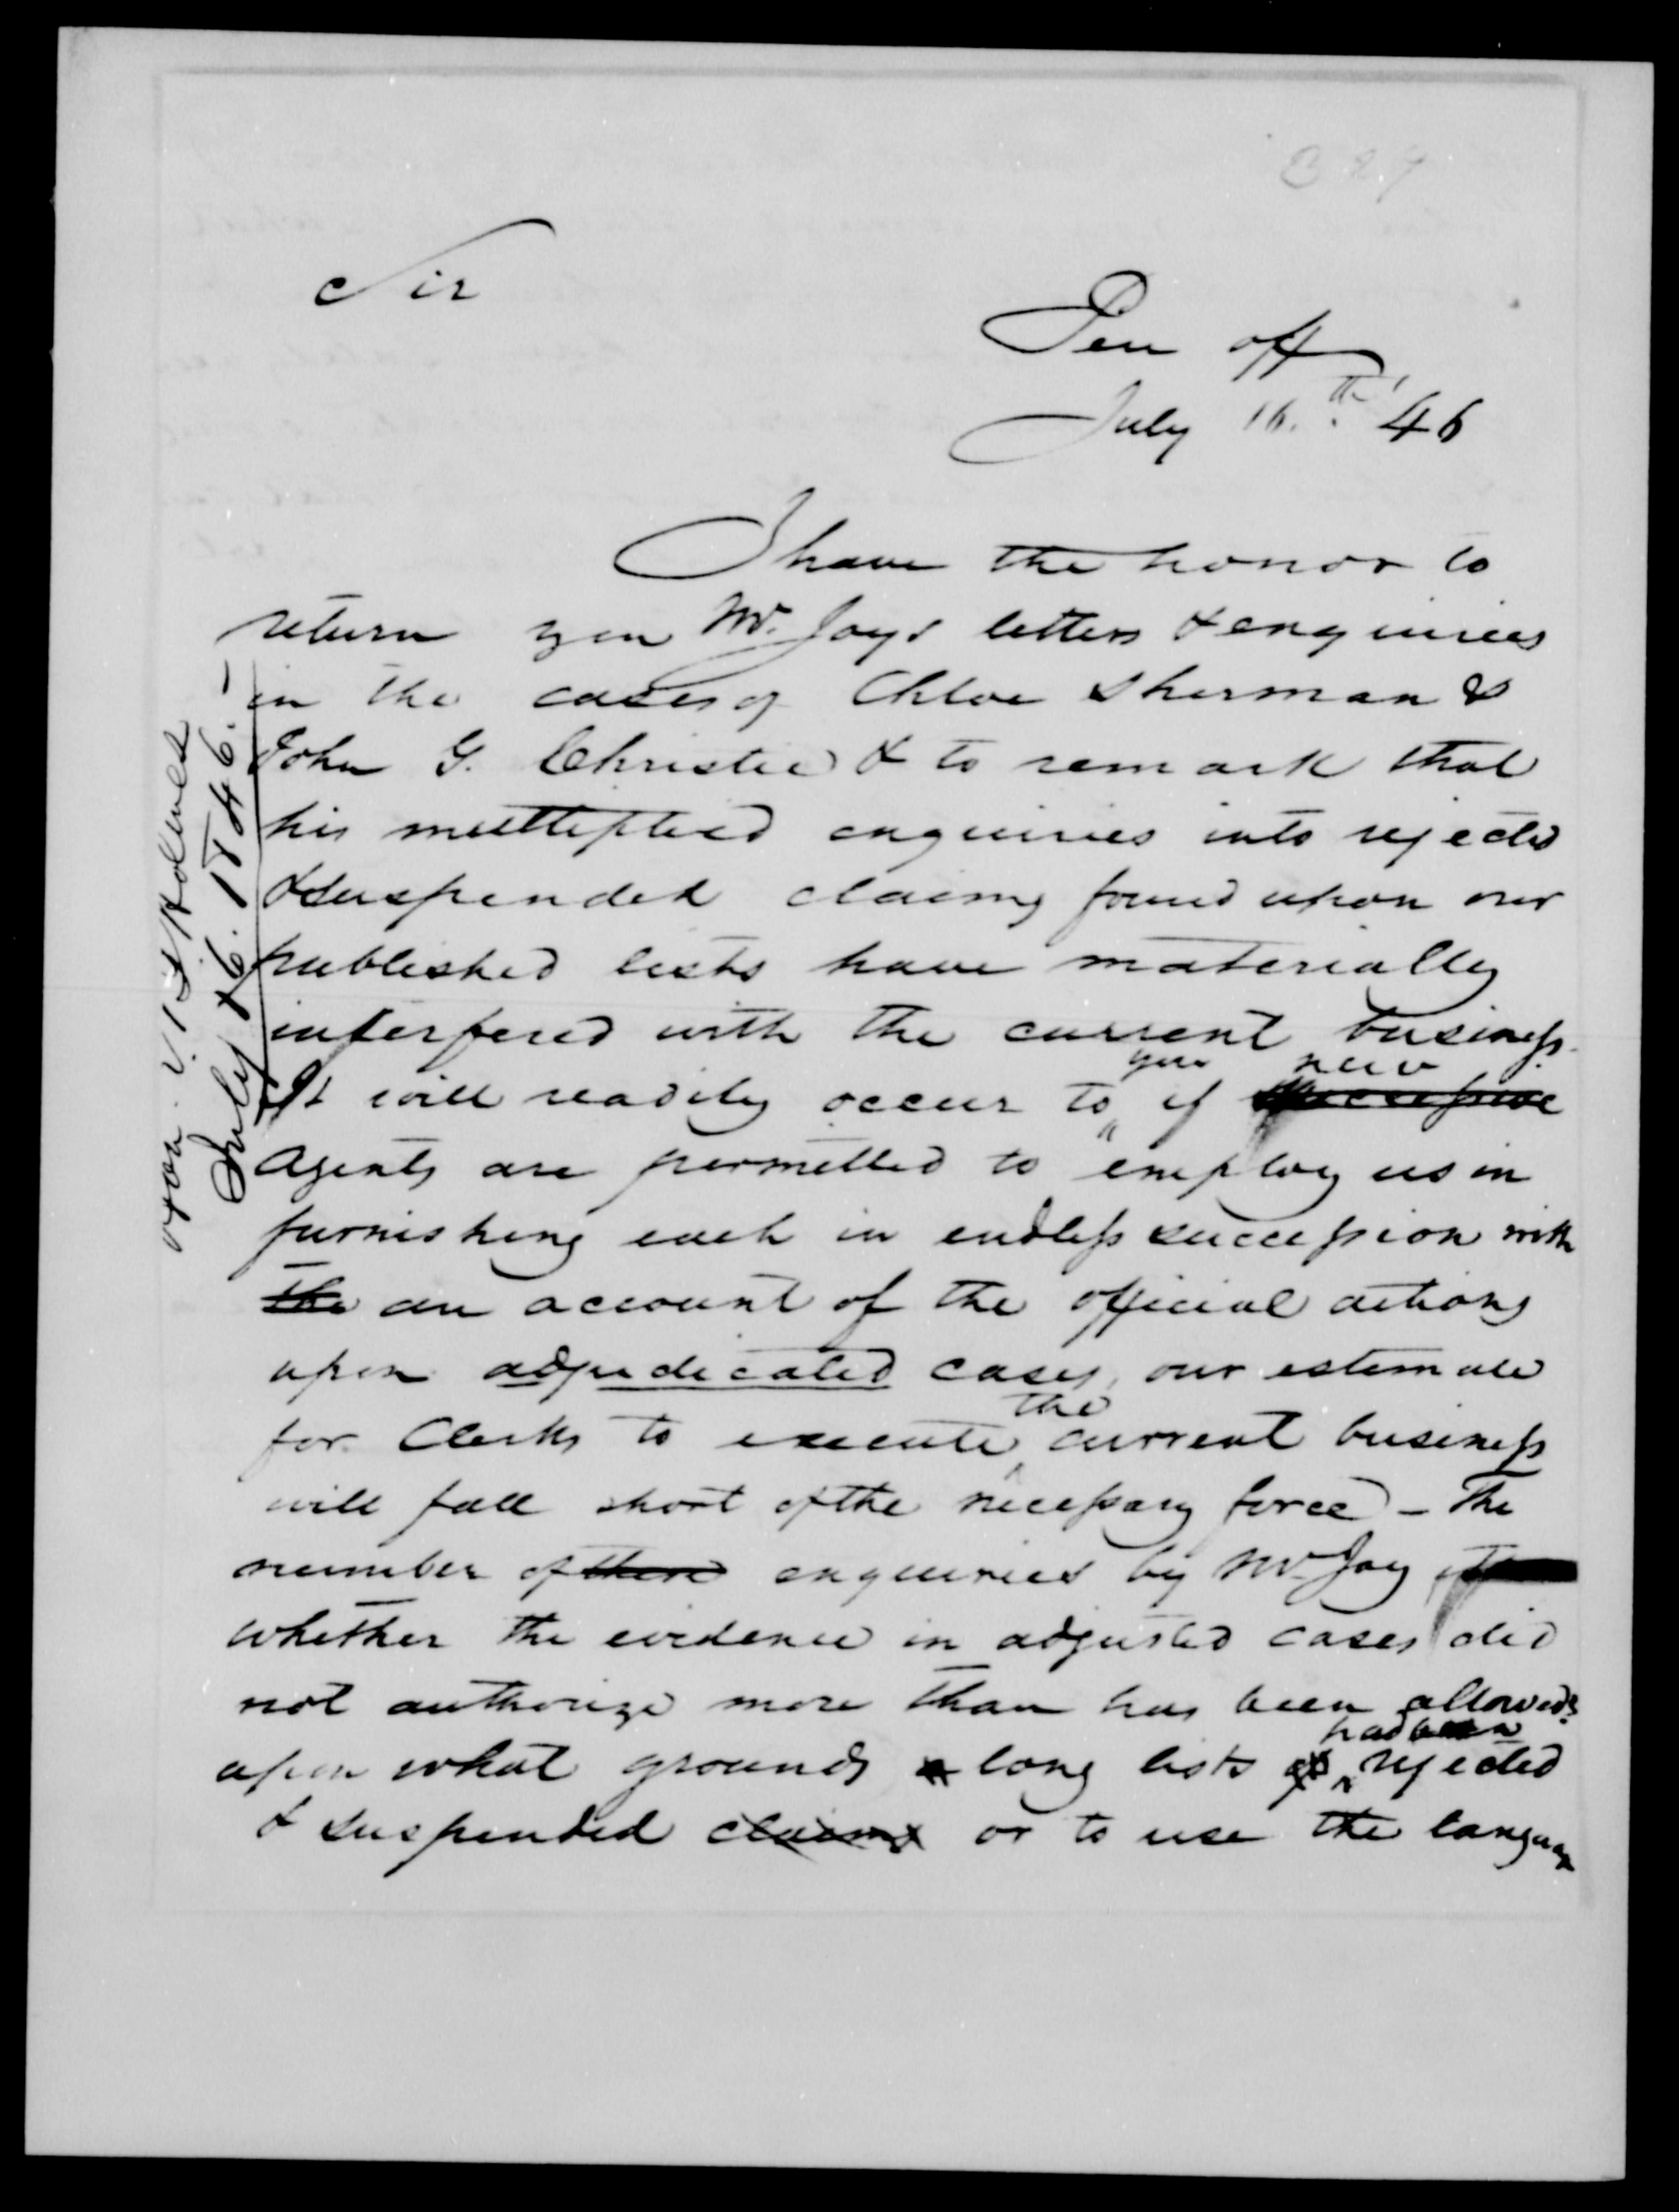Pen Off
July 16th, 46

Sir

I have the honor to return yer Mr Joys letters & enquiries in the cases of Chloe Sherman & John G. Christie & to remark that his multiplied inquiries into rejected & suspended claims found upon no published lists have materially interfered with the current business. It will readily occur to you if new agents are permitted to employ us in furnishing each in endless succession with an account of the official actions upon adjudicated cases our estimate for Clerks to execute the current business will fall short of the necessary force_   the number of enquiries by Mr. Jay whether the evident in adjusted cases did not authorize more than has been allowed upon what ground a long lists had been rejected & suspended claims or to use the language

Hon. V.I. Holmes
July 16 1846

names: V I L Holmes; [BLANK] Jay; [BLANK] Jay; John G Christie; Chloe Sherman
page: 37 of 52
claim: rejected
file: R. 9493, for George Sherman, Vermont